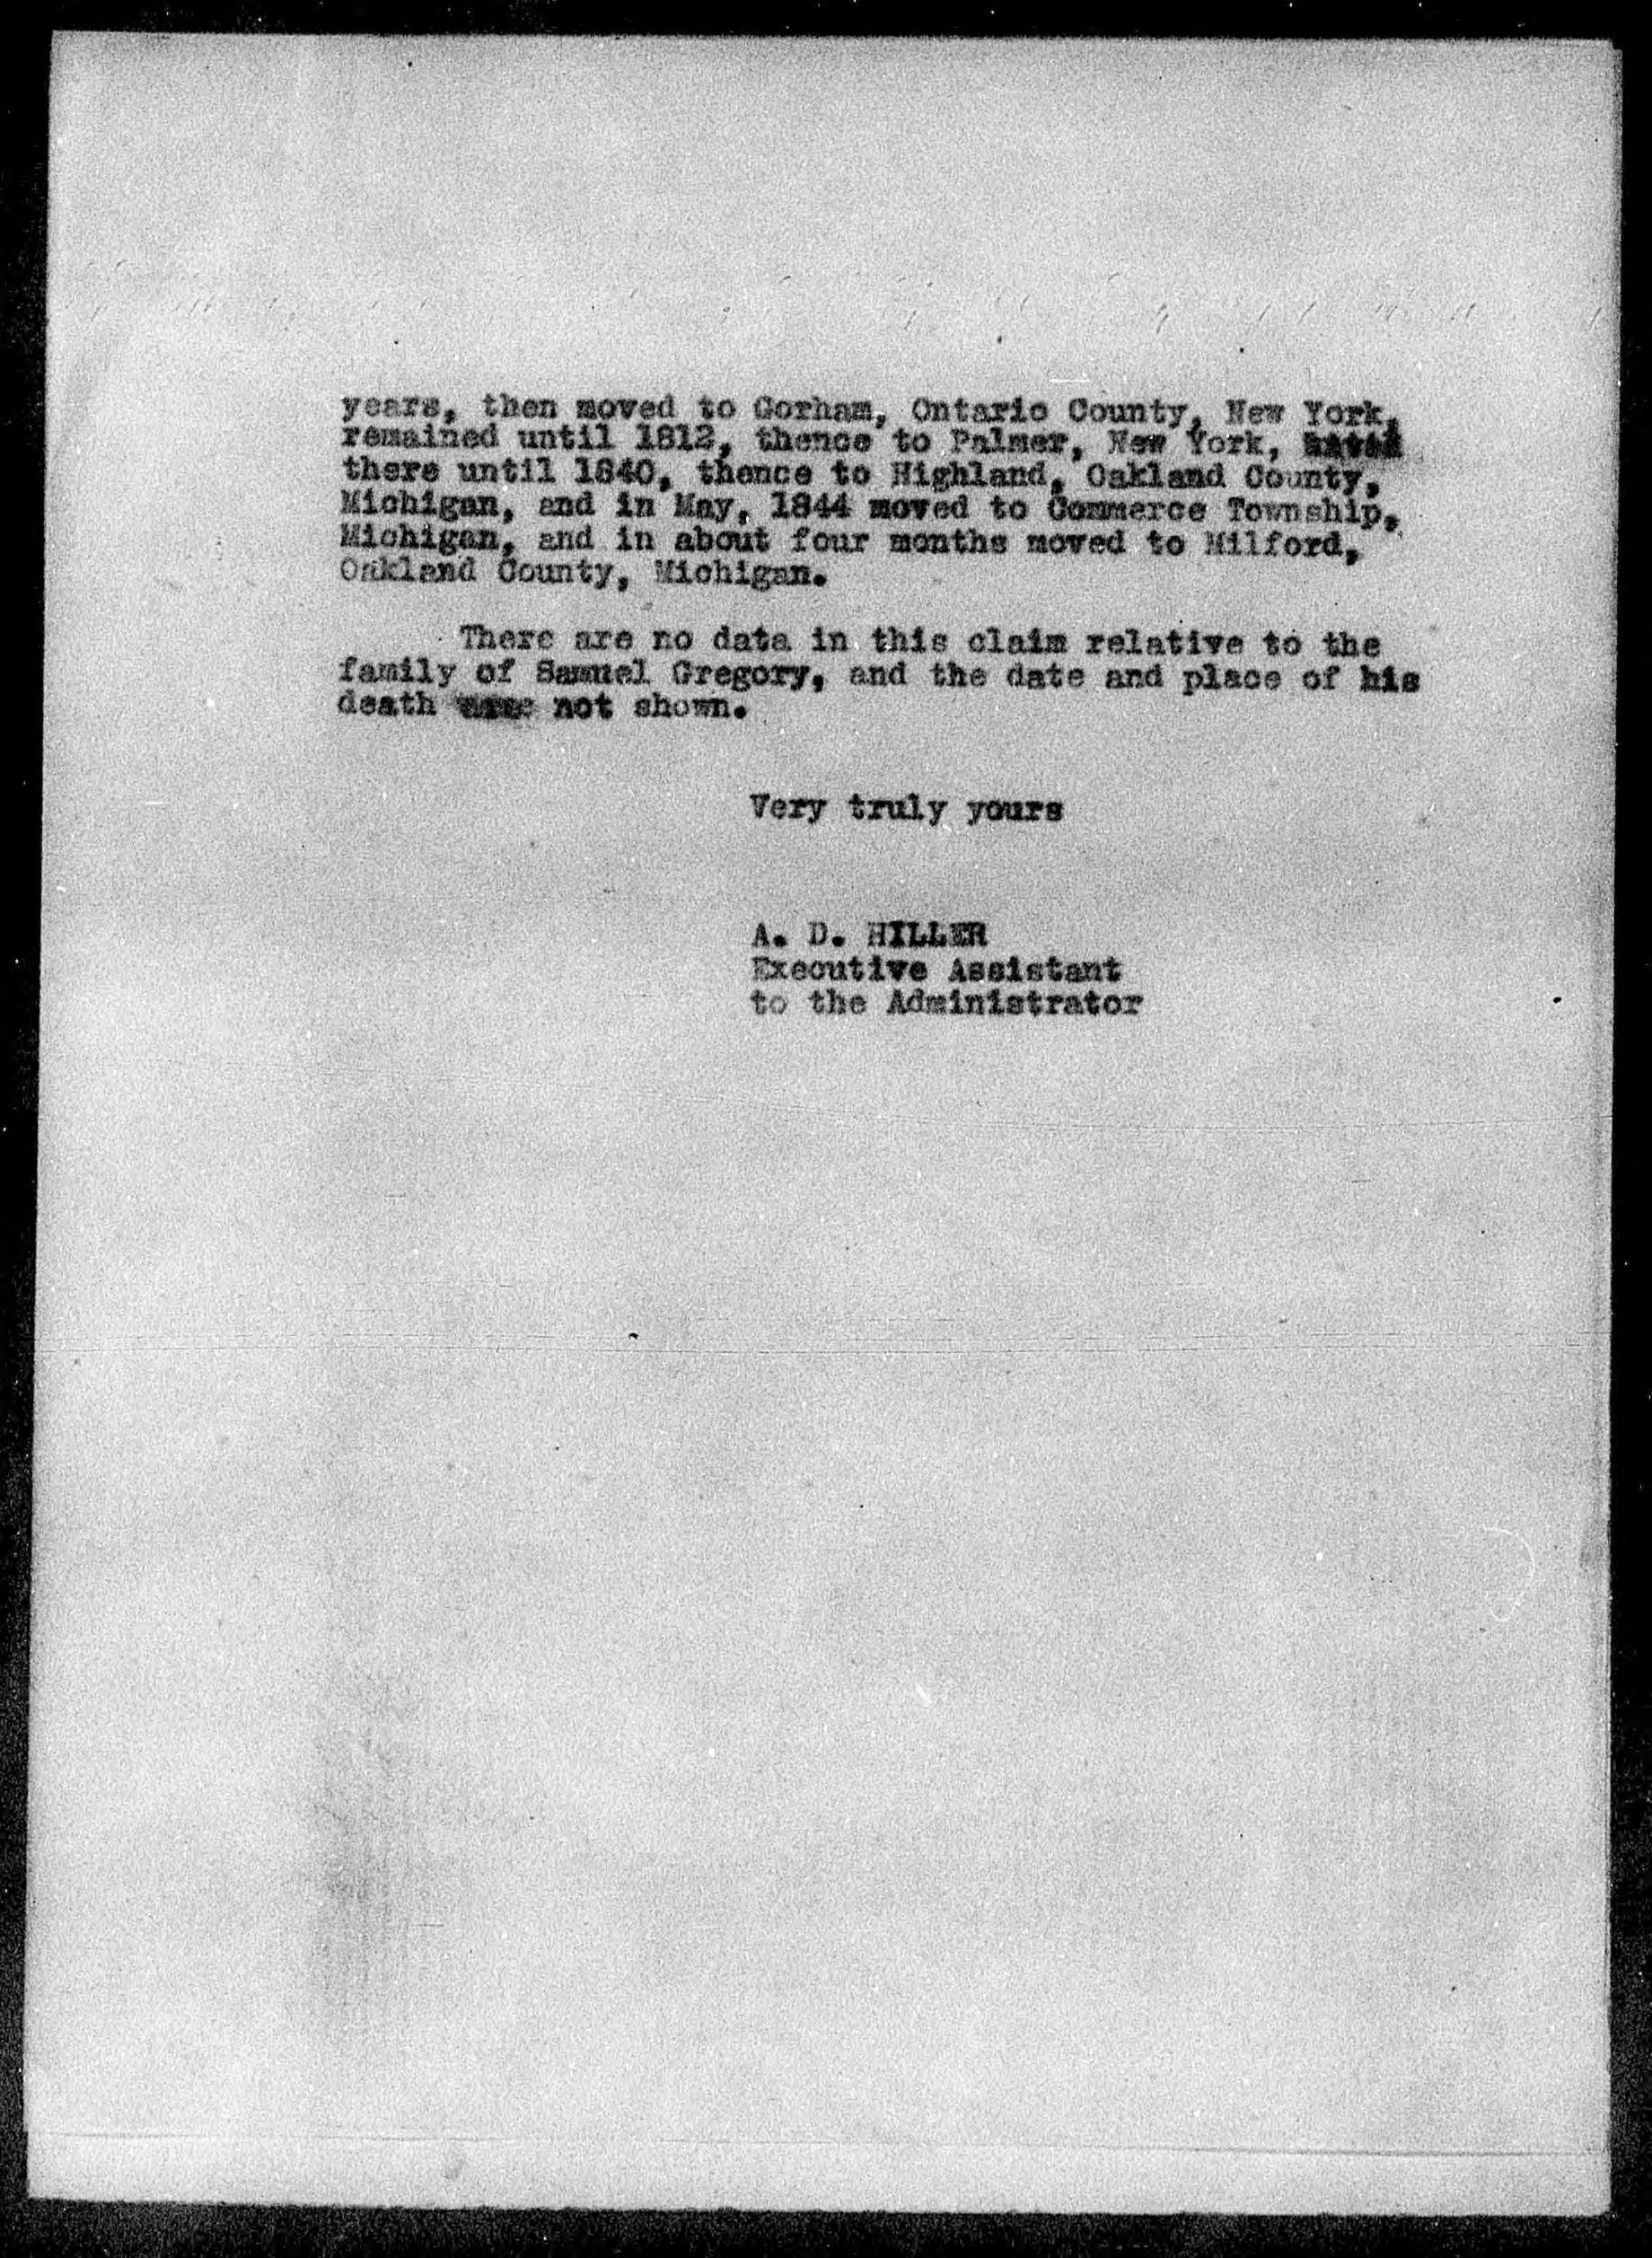years, then moved to Gorham, Ontario County, New York remained until 1812, thence to Palmer, New York lived there until 1840, thence to Highland, Oakland County, Michigan, and in May, 1844 moved to Commerce Township, Michigan, and in about four months moved to Milford, Oakland County, Michigan.

There are no data in this claim relative to the family of Samuel Gregory, and the date and place of his death are not known.

Very truly yours


A.D. Hiller
Executive Assistant
to the Administrator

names: A D Hiller, Samuel Gregory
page: 12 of 66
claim: rejected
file: R. 4298, Samuel Gregory, New York